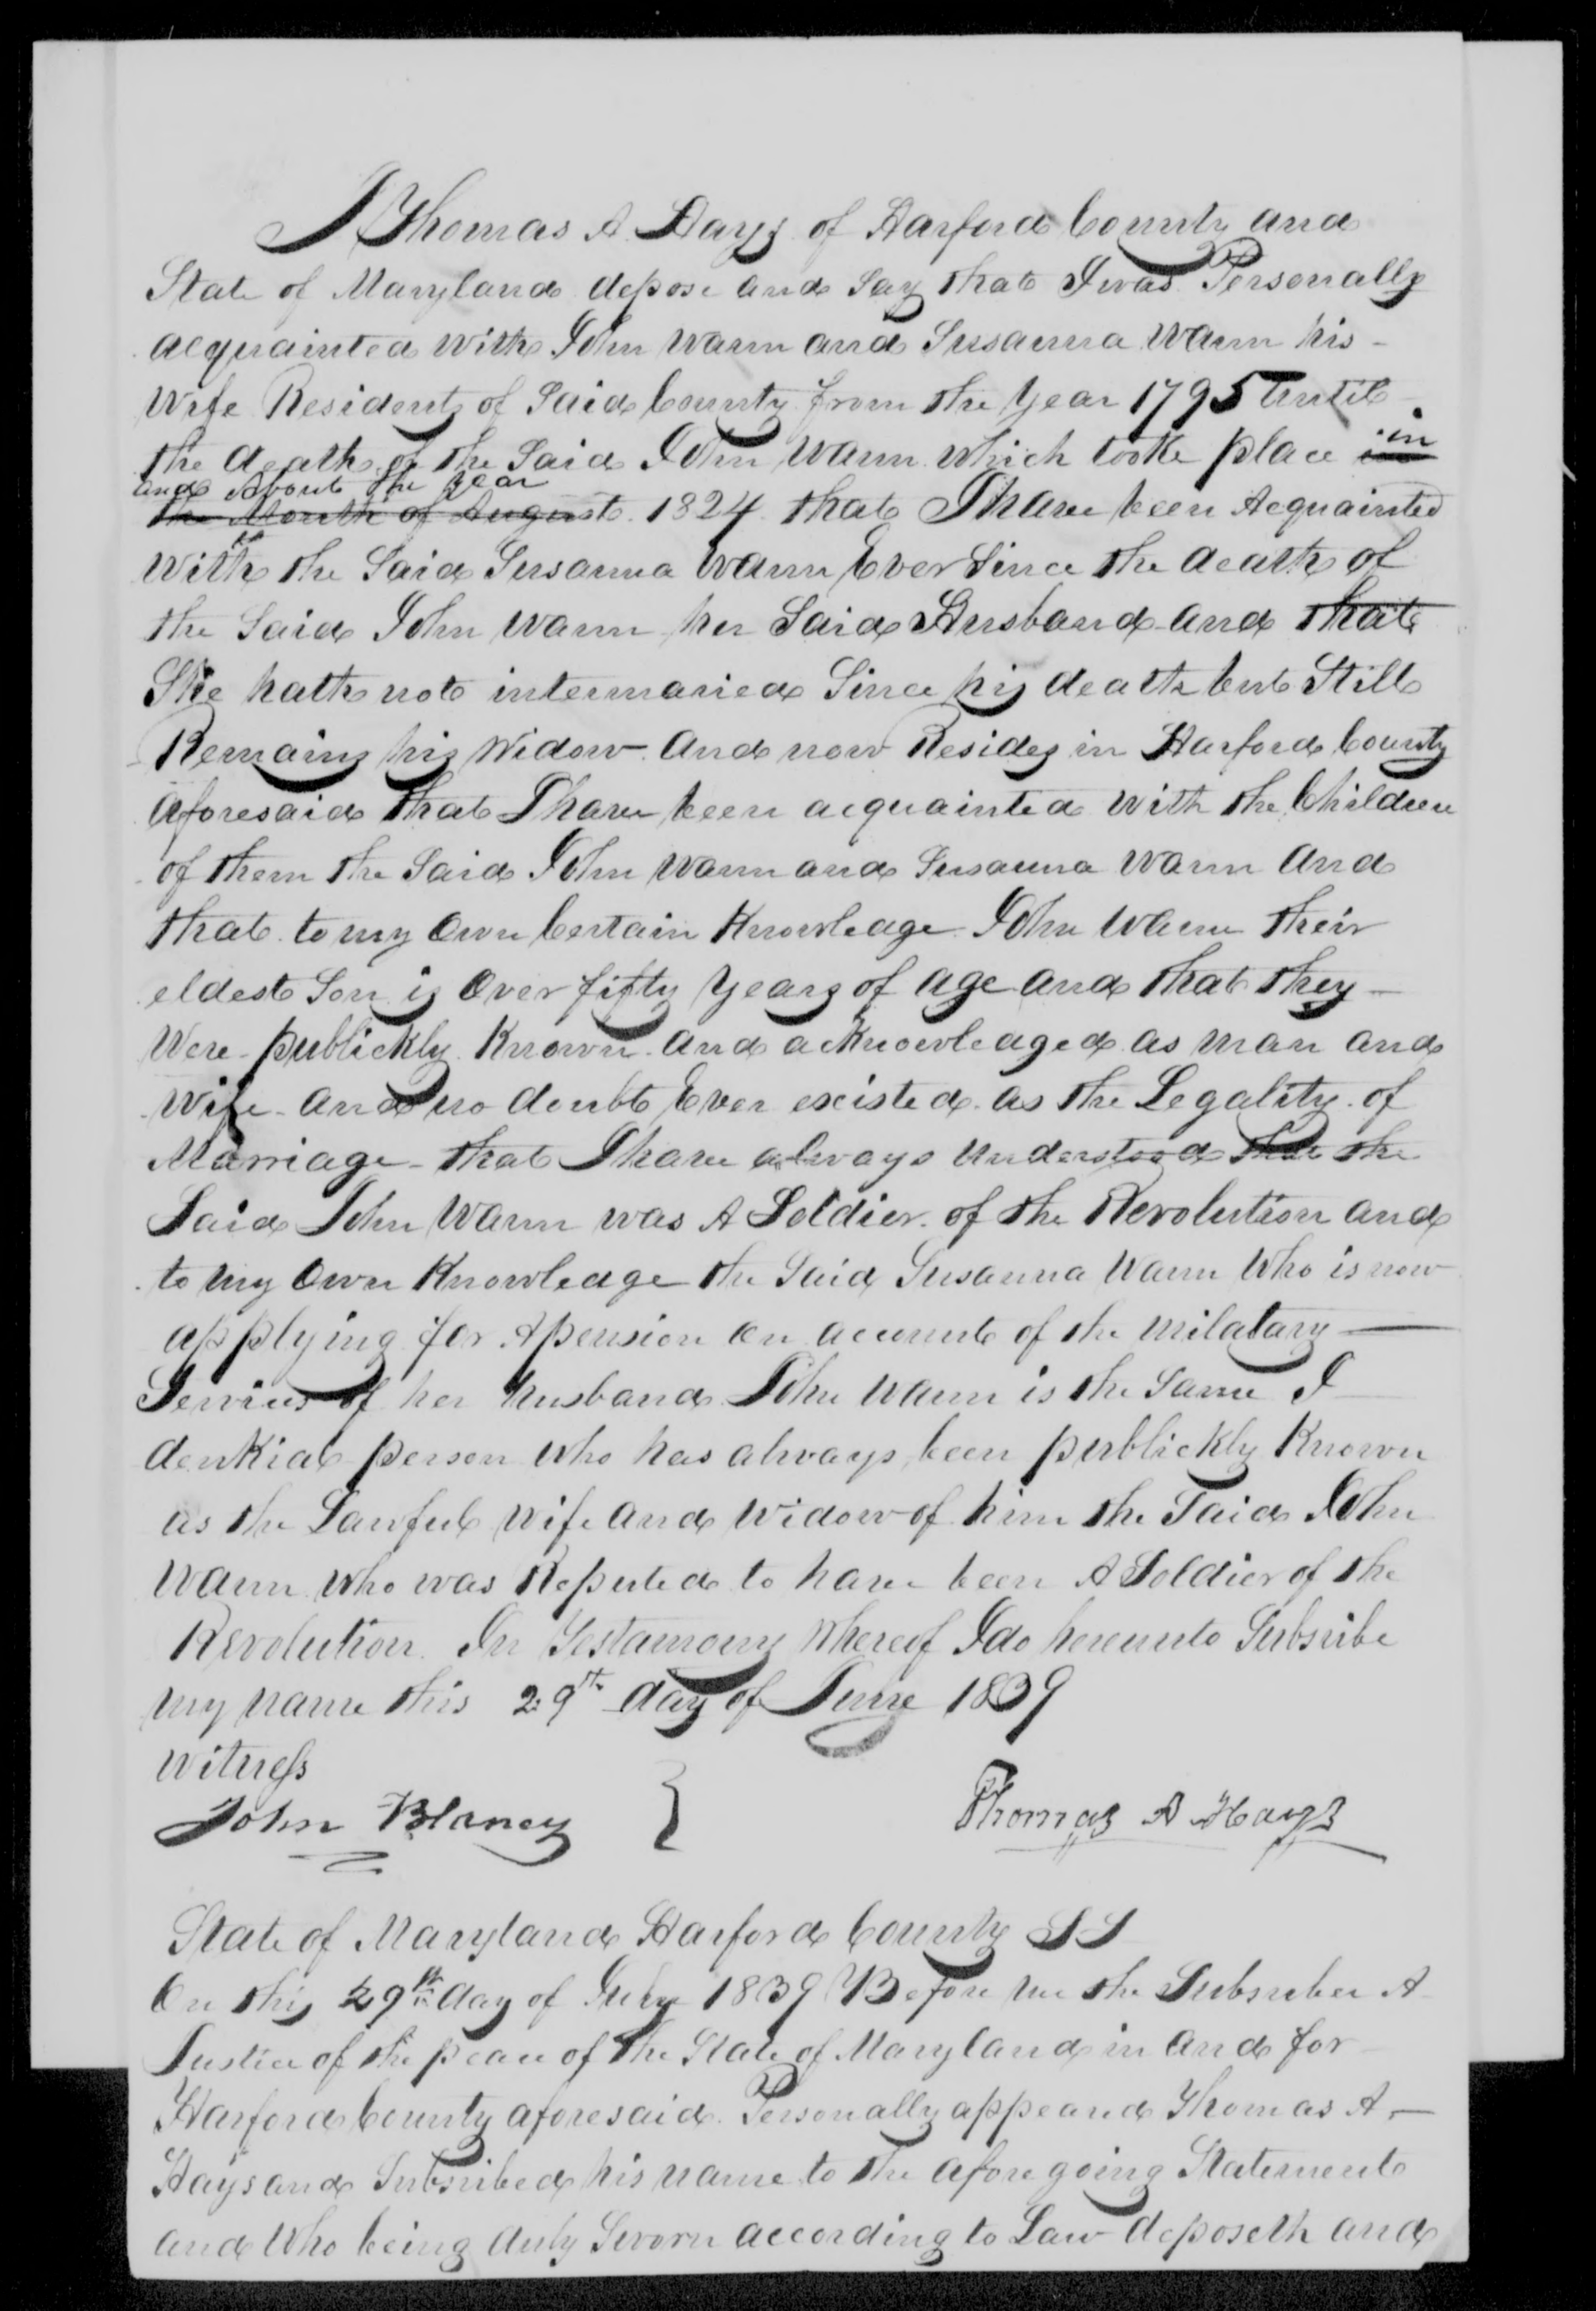I Thomas A Days of Harford County and State of Maryland depose and say that I was personally acquainted with John Wann and Susanna Wann his Wife Residents of said County from the year 1795 until the death of the said John Warm which took place in and about the year of August 1824 that I have been acquainted with
the said Susanna Wann Ever since the death of the said John Wann her said husband and that she hath not intermarried Since his death but Still Remains his widow and now resides in Harford County aforesaid that I have been acquainted with the Children of them the said John Wann and Susanna Wann and that to my own Certain Knowledge John Wann their eldest son is over fifty years of age and that they were publickly [publicly] known and acknowledged as man and wife and no doubt ever existed as the Legality of Marriage that I have always understood that the said John Wann was A Soldier of the Revolution and to my own knowledge the said Susanna Wann who is now applying for a pension on account of the Milatary [military] Services of her husband John Wann is the same I denkial [identical] person who has always been publickly [publicly] known as the Lawful wife and widow of him the said John Wann who was reputed to have been a soldier of the Revolution. In Testimony whereof I do hereunto Subsribe [subscribe]
my name this 29th day of June 1839
Witness
John Blaney}
Thomas A Hays

State of Maryland Harford County SS
On this 29th day of July 1839 Before me the Subscriber A Justice of the peace of the State of Maryland in and for Harford County aforesaid Personally appeared Thomas A Hays and Subsribed [subscribed] his name to the aforegoing [foregoing] statement and who being duly sworn according to Law deposeth [deposes] and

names: John Wann, John Wann, John Wann, John Wann, Thomas A Hays, Susanna Wann, John Wann, Susanna Wann, Susanna Wann, John Wann, Thomas A Hays, Susanna Wann, John Wann, Thomas A Hays, John Blaney, John Wann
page: 31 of 38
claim: widow's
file: W. 3899, John Wann, Penn.